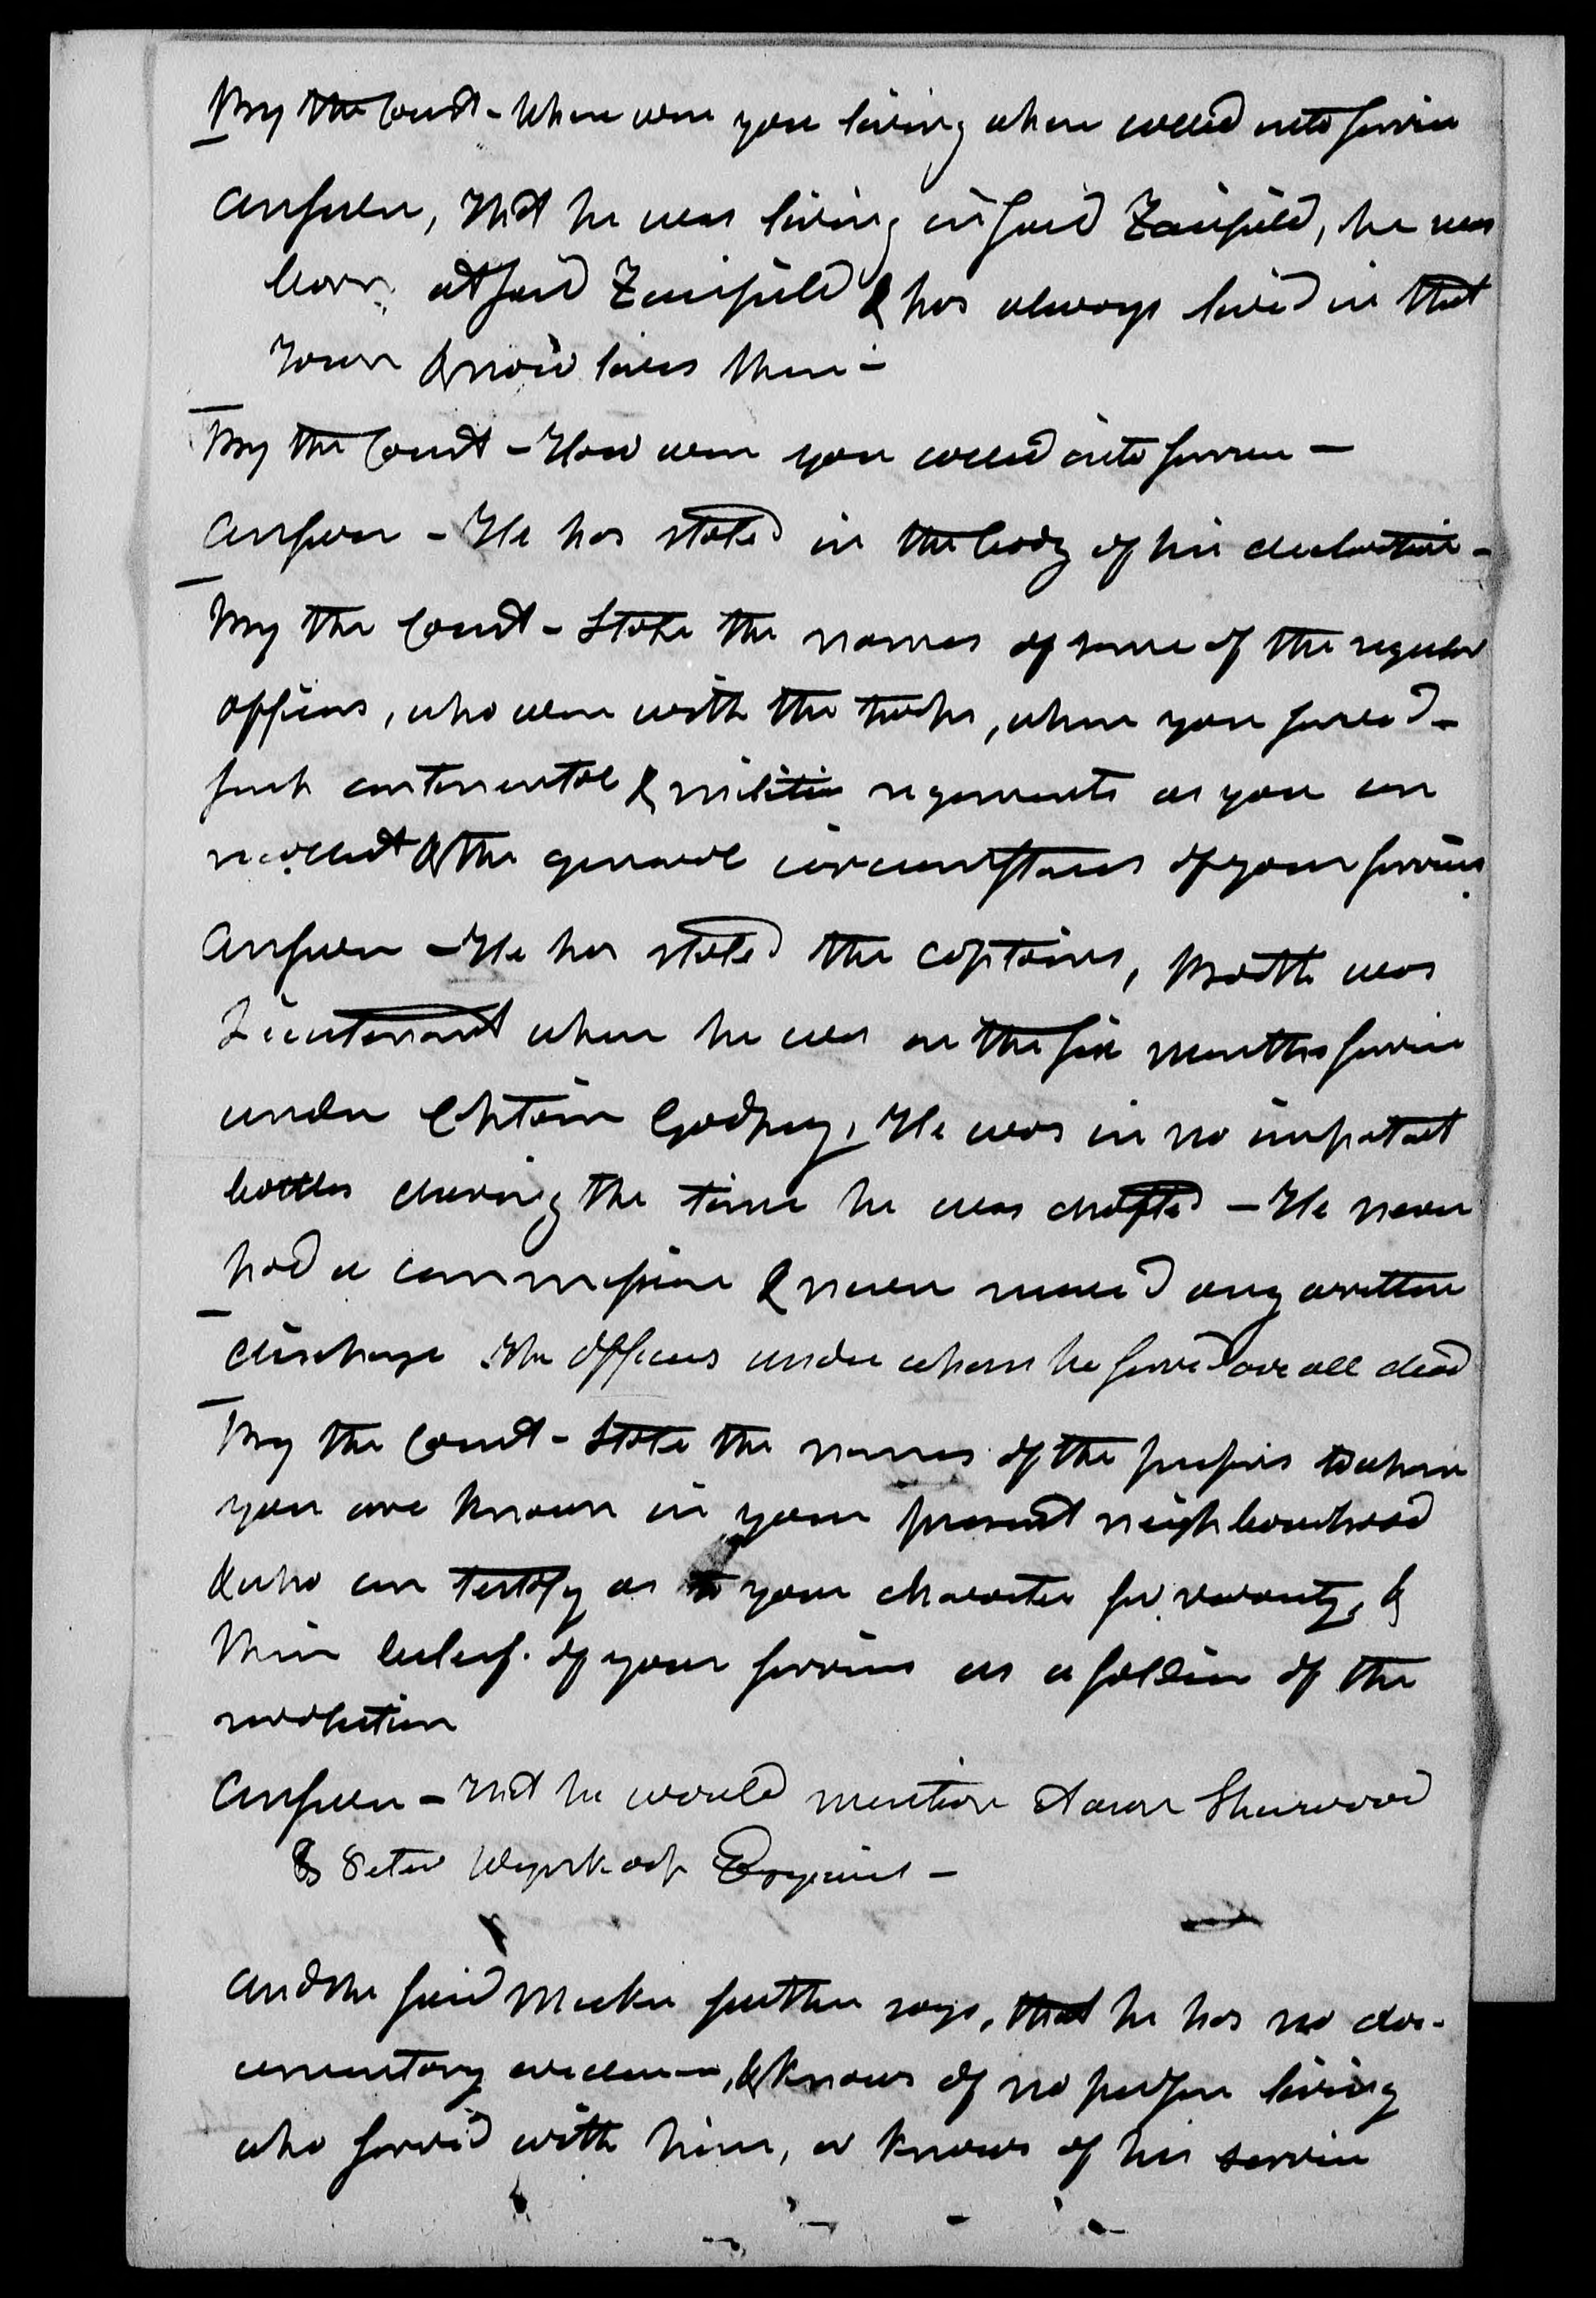By the Court - Where were you living when  called into service
Answer, That he was living in said Fairfield, he was born at said Fairfield & he always lived in that Town & now lives there -

By the Court - How were you called into service -
Answer, He has notes in the body of his declaration -

By the Court - State the names of some of the regular officers, who were with the troops, when you served  & such continental & militia regiments as you can recollect
Answer - He has noted the Captains, Booth was Lieutenant when he was in the five months service under Captain Godfrey, He was in no important battles during the time he was drafted - He never had a commission & never received any written discharge   The officers under whom he served are all dead -

By the Court - State the names of the persons to whom you are known in your present neighborhood & who can testify as to your character for veracity & their belief of your service a a soldier of the revolution
Answer - That he would mention Aaron Sherwood & Peter Wynkosh Esquire -

And the said Meeker further says, that he has no documentary evidence & knows of no person living who fought with him, or knows of his service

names: [BLANK] Godfrey; Aaron Sherwood; [BLANK] Meeker; Peter Wynkoop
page: 6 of 22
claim: survivor's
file: S. 15,517, for Joseph Meeker, Connecticut